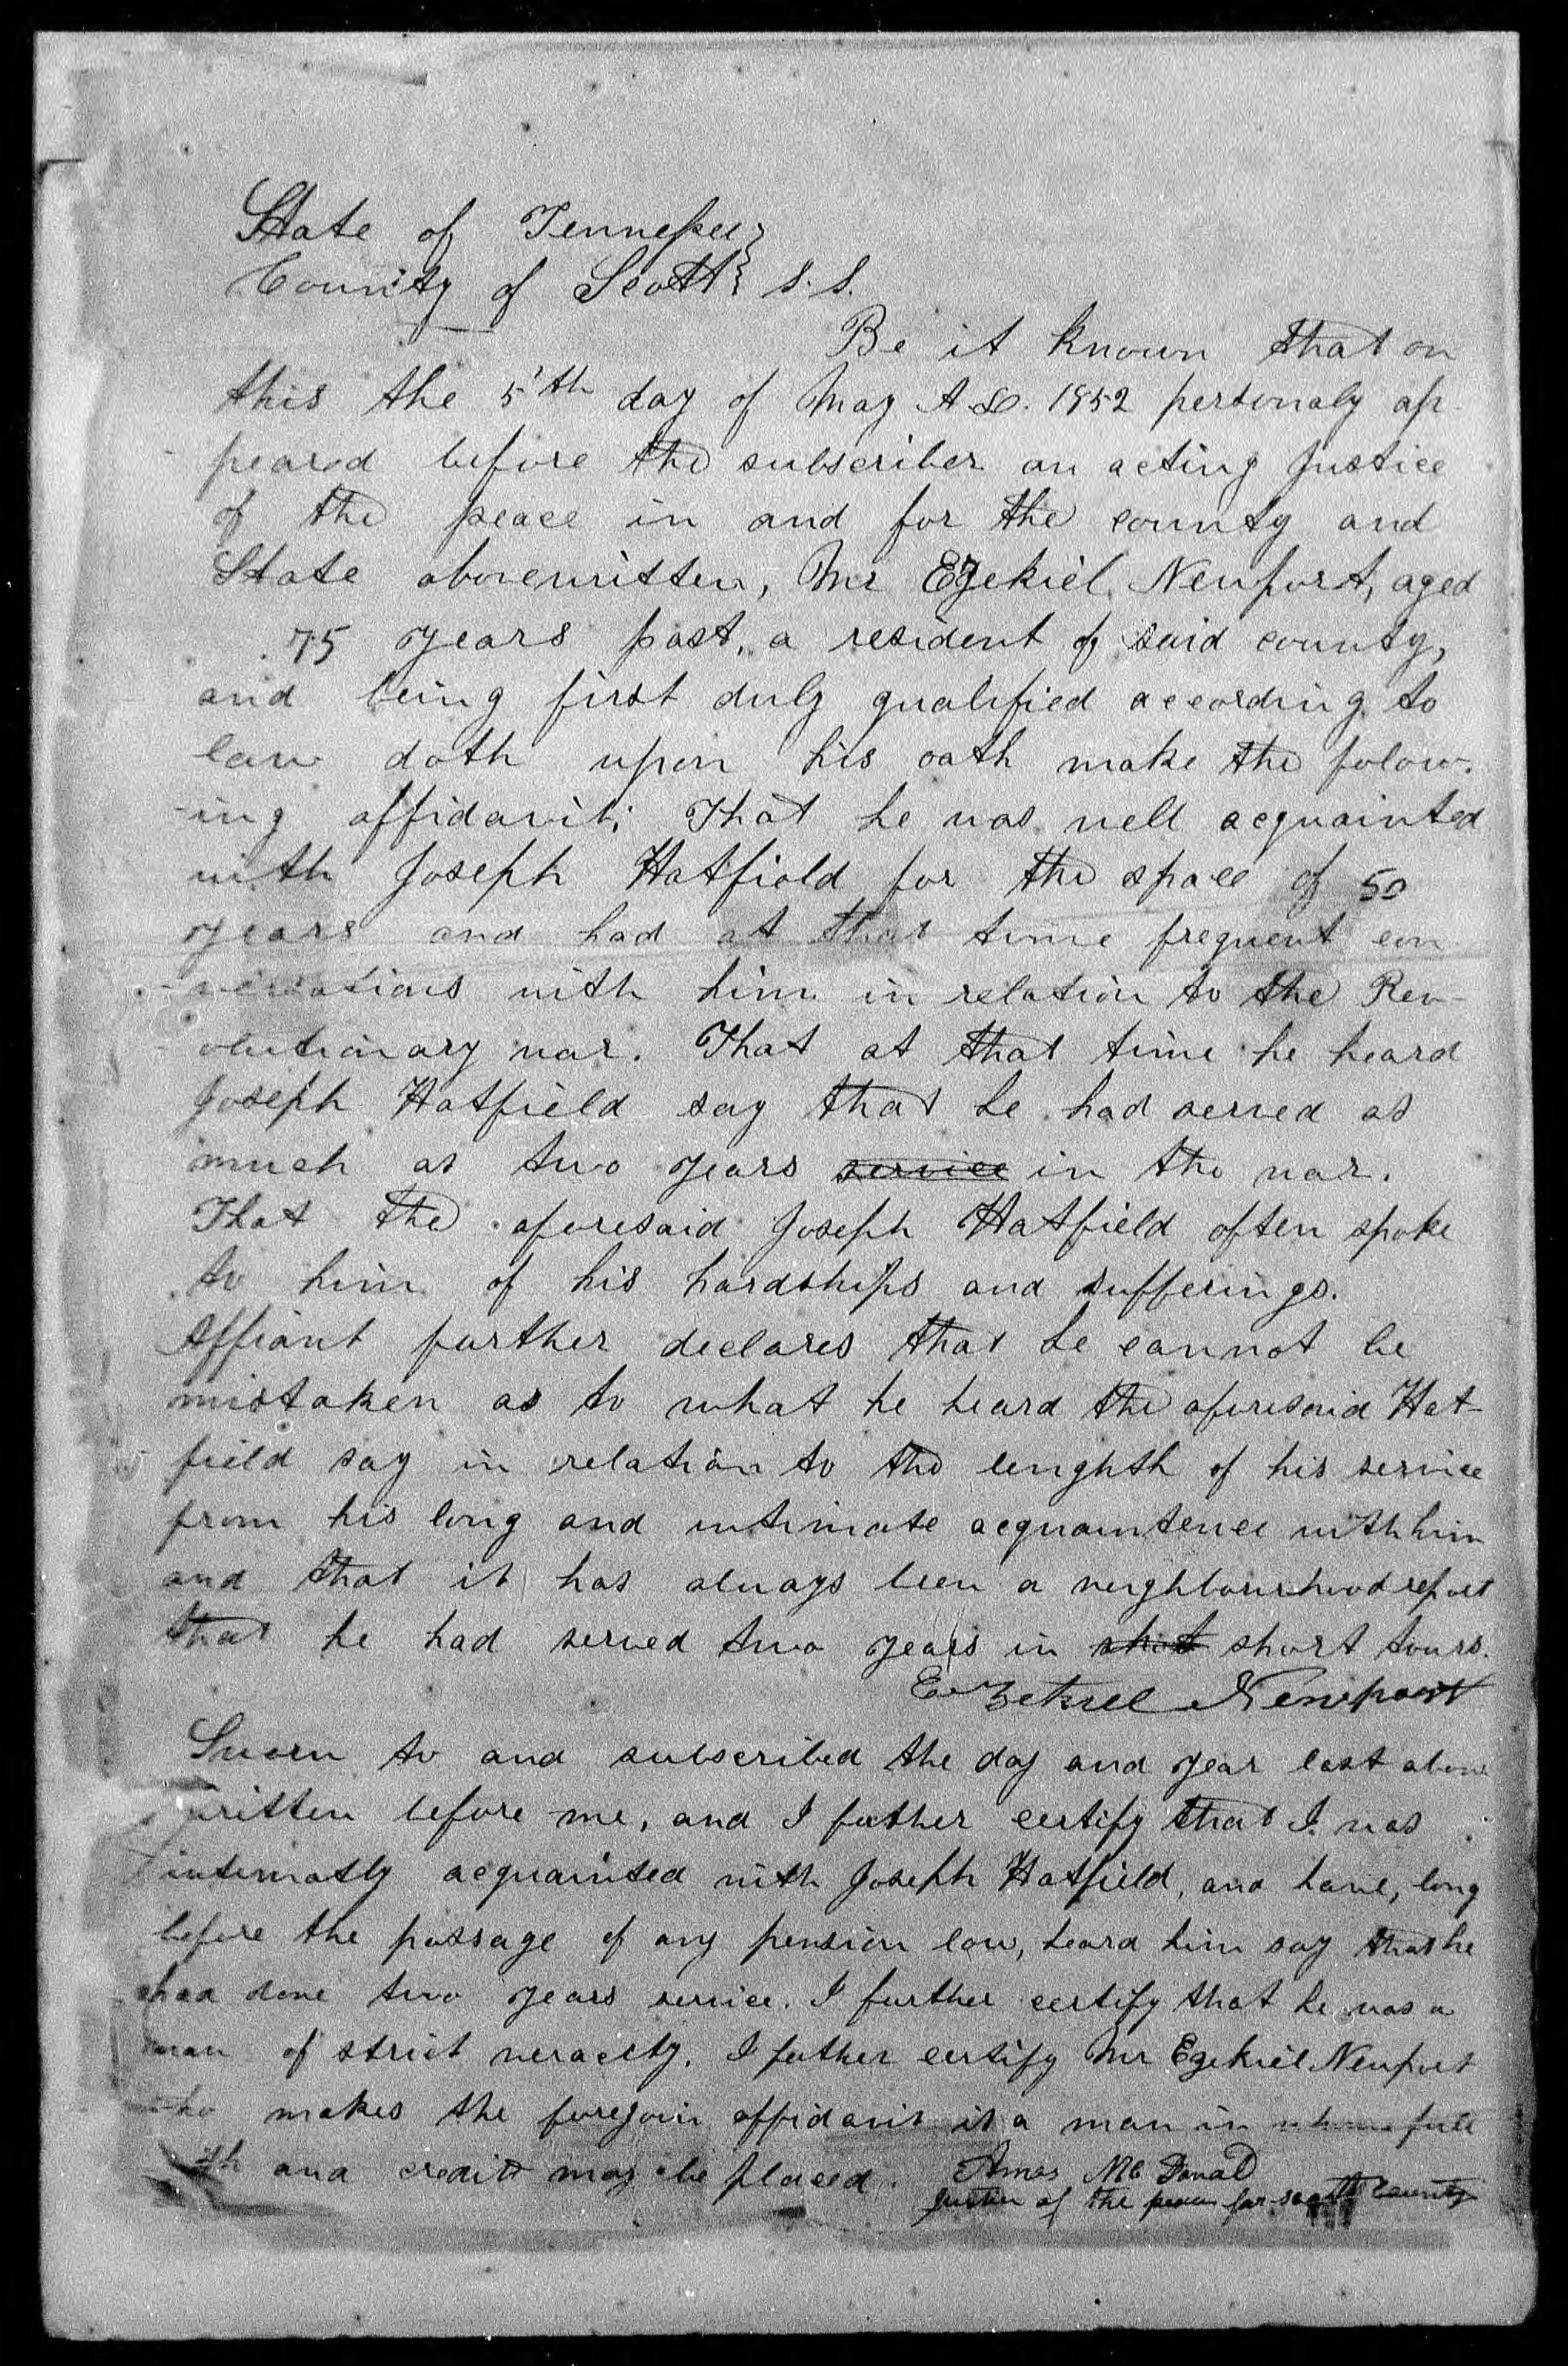State of Tennessee
County of Scott} S.S.
Be it known that on
this the 5th day of May A.D. 1852 personally appeared before the subscriber an acting Justice of the peace in and for the county and State above written, Mr Ezekiel Newport, aged 75 years past a resident of said county, and being first duly qualified according to law, doth upon his oath make the following affidavit; That he was well acquainted with Joseph Hatfield for the span of 50 years and had at that time frequent conversations with him in relation to the Revolutionary war. That at that time he heard Joseph Hatfield say that he had served as much as two years in the war. That the aforesaid Joseph Hatfield often spoke to him of his hardships and sufferings.
Affiant farther declares that he cannot be mistaken as to what he heard the aforesaid Hatfield say in relation to the length of his service from his long and intimate acquaintance with him and that it has always been a neighbourhood report that he had served two years in short terms.
Ezekiel Newport
Sworn to and subscribed the day and year last above written before me, and I farther certify that I was intimately acquainted with Joseph Hatfield, and Jane, long before the passage of any pension law, heard him say that he had some two years service. I further certify that he was a man of strict veracity. I farther certify Mr Ezekiel Newport who makes the foregoing affidavit is a man in whom full faith and credit may be paced - Amos McDonald
Justice of the peace for Scott County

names: Joseph Hatfield, Ezekiel Newport, Joseph Hatfield, Amos Mc Donald, Joseph Hatfield, Ezekiel Newport, Ezekiel Newport, Joseph Hatfield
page: 73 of 74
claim: widow's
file: W. 5, Joseph Hatfield, Va.